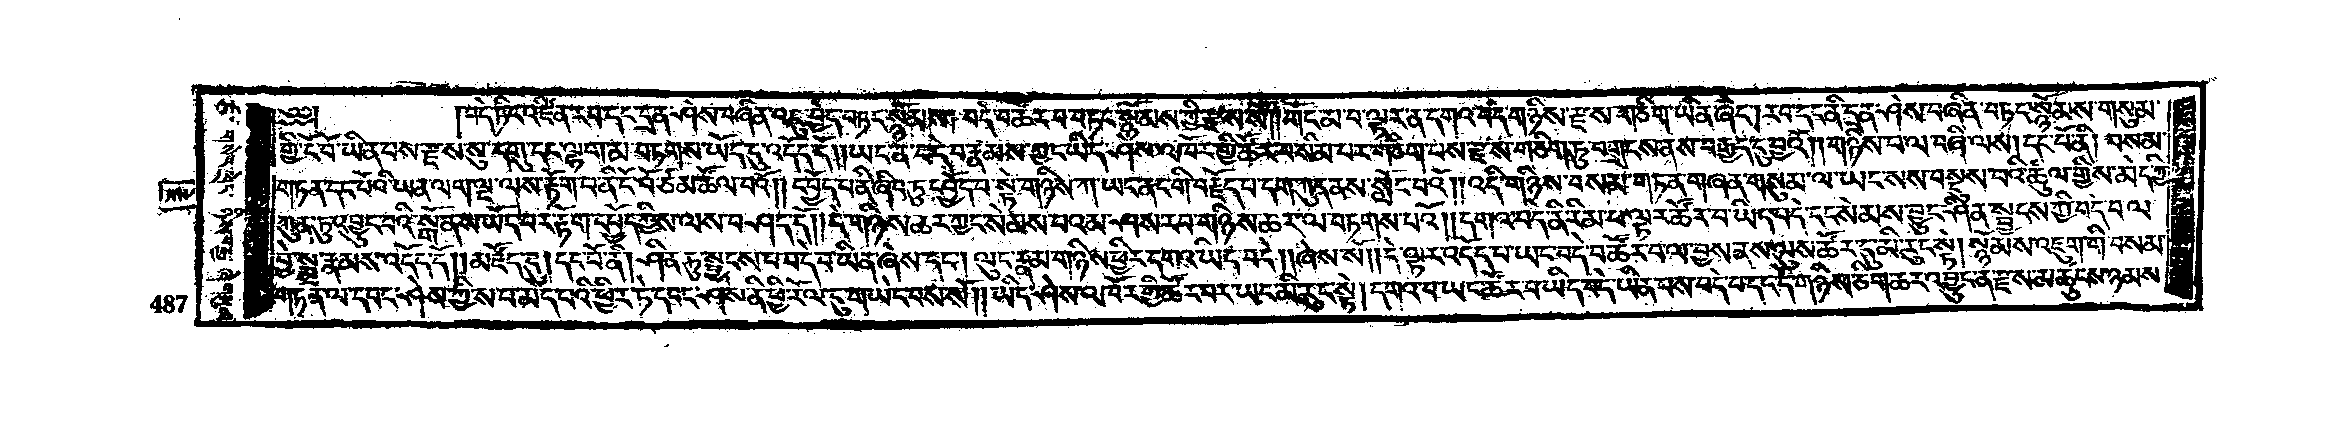༄༅། །བདེ་ཏིང་འཛིན་རབ་དང་དྲན་ཤེས་བཞིན་འདུ་བྱེད་བཏང་སྙོམས། བདེ་བ་ཚོར་བ་བཏང་སྙོམས་ཀྱི་རྫས་སོ། །གོང་མ་བ་ལྟར་ན་དགའ་བདེ་གཉིས་རྫས་གཅིག་ཡིན་ཞིང་། རབ་དང་ནི་དྲན་ཤེས་བཞིན་བཏང་སྙོམས་གསུམ་
གྱི་ངོ་བོ་ཡིན་པས་རྫས་སུ་དགུ་དང་ལྷག་མ་བཏགས་ཡོད་དུ་འདོད་དོ། །ཡང་ན་བདེ་བ་རྣམས་ཀྱང་ཡིད་ཤེས་འཁོར་གྱི་ཚོར་བ་སིམ་པར་གཅིག་པས་རྫས་གཅིག་ཏུ་བགྲངས་ནས་བརྒྱད་དུ་བྱའོ། །གཉིས་པ་ལ་བཞི་ལས། དང་པོ་ནི། བསམ་
གཏན་དང་པོའི་ཡན་ལག་ལྔ་ལས་རྟོག་པ་ནི་ངོ་བོ་ཙམ་ཚོལ་བའོ། །དཔྱོད་པ་ནི་ཞིབ་ཏུ་དཔྱོད་པ་སྟེ་གཉིས་ཀ་ཡང་ནང་གི་བརྗོད་པ་དག་ཀུན་ནས་སློང་བའོ། །འདི་གཉིས་བསམ་གཏན་གཞན་གསུམ་ལ་ཡང་སས་བསྡུས་པའི་ཚུལ་གྱིས་མེད་ཀྱི་
ཀུན་ཏུ་འབྱུང་བའི་སྒོ་ནས་ཡོད་པར་རྟོག་དཔྱོད་ཀྱིས་ལས་བཤད་དོ། །དེ་གཉིས་ཆར་ཀྱང་སེམས་པའམ་ཤེས་རབ་གཉིས་ཆར་ལ་བཏགས་པའོ། །དགའ་བདེ་ནི་རིམ་པ་ལྟར་ཚོར་བ་ཡིད་བདེ་དང་སེམས་བྱུང་ཤིན་སྦྱངས་ཀྱི་བདེ་བ་ལ་
བྱེ་སྨྲ་རྣམས་འདོད་དོ། །མཛོད་དུ། དང་པོ་ནི། ཤིན་ཏུ་སྦྱངས་པ་བདེ་བ་ཡིན་ཞེས་དང་། ལུང་རྣམ་གཉིས་ཕྱིར་དགའ་ཡིད་བདེ། །ཞེས་སོ། །དེ་ལྟར་འདོད་པ་ཡང་བདེ་བ་ཚོར་བ་ལ་བྱས་ནས་ལུས་ཚོར་དུ་མི་རུང་སྟེ། སྙོམས་འཇུག་གི་བསམ་
གཏན་ལ་དབང་ཤེས་ཀྱི་ས་བ་མེད་པའི་ཕྱིར་ཏེ་དབང་ཤེས་ནི་ཕྱི་རོལ་དུ་གཡེང་བས་སོ། །ཡིད་ཤེས་འཁོར་གྱི་ཚོར་བར་ཡང་མི་རུང་སྟེ། དགའ་བ་ཡང་ཚོར་བ་ཡིད་བདེ་ཡིན་པས་བདེ་བ་དང་དེ་གཉིས་ཅིག་ཆར་འབྱུང་ན་རྫས་མཚུངས་ཉམས་